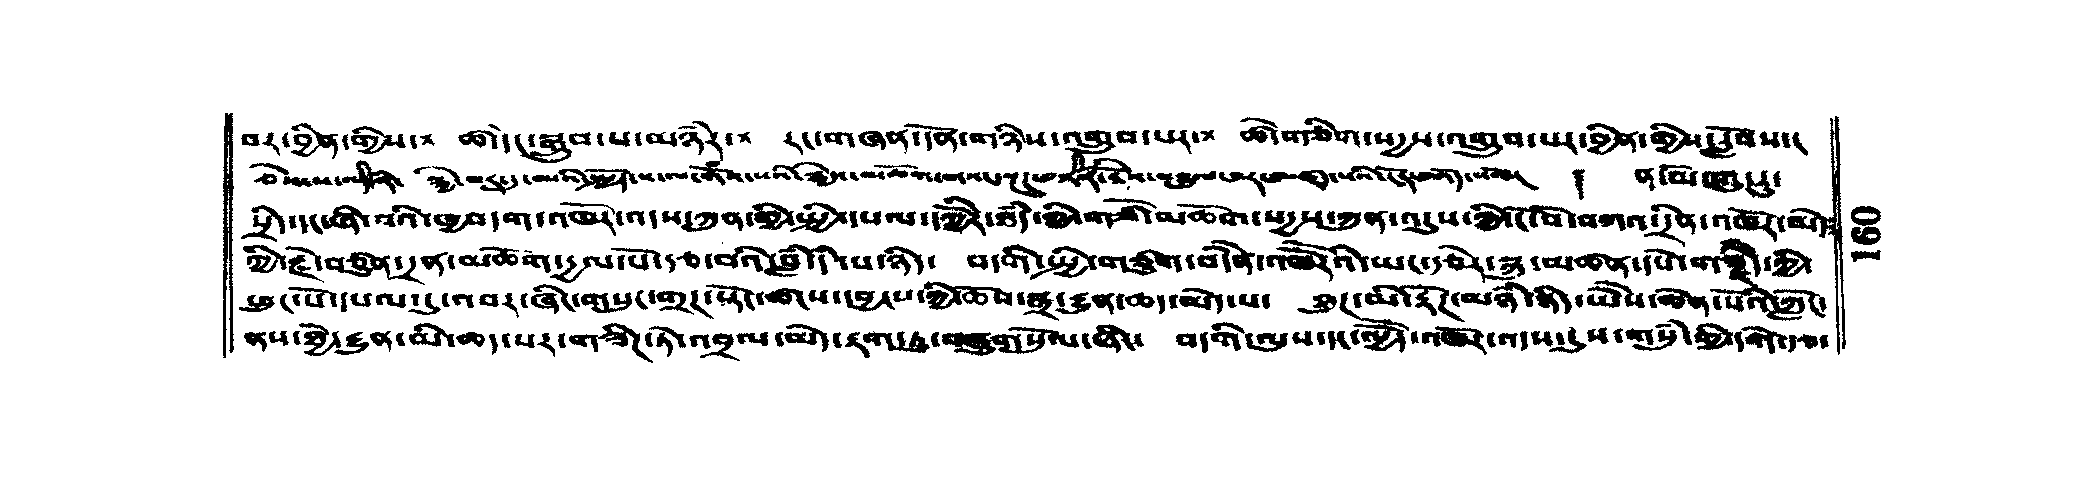བར་བྱིན་གྱིས༴ །ཚེ་དང་སྒྲུབ་པ་མཉམ་པར༴ །རང་གཞན་དོན་གཉིས་འགྲུབ་པར༴ །ཚེ་གཅིག་སངས་རྒྱས་འགྲུབ་པར་བྱིན་གྱིས་རློབས། 
ཅེས་པ་འདི་ནི་སྐྱེ་བ་དུ་མར་དམ་པའི་སྤྱོད་པ་ལ་གོམས་པའི་སྐྱེས་མཆོག་གསང་སྔགས་བསྟན་འཛིན་རྡོ་རྗེས་བསྐུལ་བར་མཛད་པའི་ངོར་བཀོད་པའོ།། ༈ ན་མོ་གུ་རུ། 
སྲིད་དང་ཞི་བའི་ཁྱབ་བདག འཁོར་འདས་ཀུན་གྱི་སྤྱི་དཔལ། དཀྱིལ་འཁོར་ཐམས་ཅད་ཀྱི་གཙོ་མཆོག སངས་རྒྱས་ཀུན་འདུས་ཀྱི་ངོ་བོ། བཀའ་དྲིན་འཁོར་མེད་
ཀྱི་རྗེ་བཙུན་དྲན་མཆོག་རྒྱལ་པོ་རྩ་བའི་བླ་མ་དམ་པ་ཉིད།བདག་གི་སྤྱི་གཙུག་བདེ་ཆེན་འཁོར་ལོའི་ཡང་རྩེར། སྐུ་མཚན་དཔེ་གཟི་རྗིད་ཀྱི་
ཕུང་པོ་དཔལ་དུ་འབར་ཞིང་། གསུང་གྲགས་སྟོང་ཚངས་དབྱངས་ཀྱི་ཆོས་སྒྲ་རྒྱུན་ཆད་མེད་པ། ཐུགས་མི་རྟོག་མཉམ་ཉིད་ཡེ་ཤེས་ཆེན་པོའི་ཀློང་
ནས་ཐུགས་རྗེ་རྒྱུན་མི་ཆད་པར་གཟིགས་ཏེ་འབྲལ་མེད་རྟག་ཏུ་བཞུགས་སུ་གསོལ་ཞིང་། བདག་གི་ལུས་དང་ལོངས་སྤྱོད་འཁོར་འདས་དུས་གསུམ་གྱི་དགེ་རྩ་